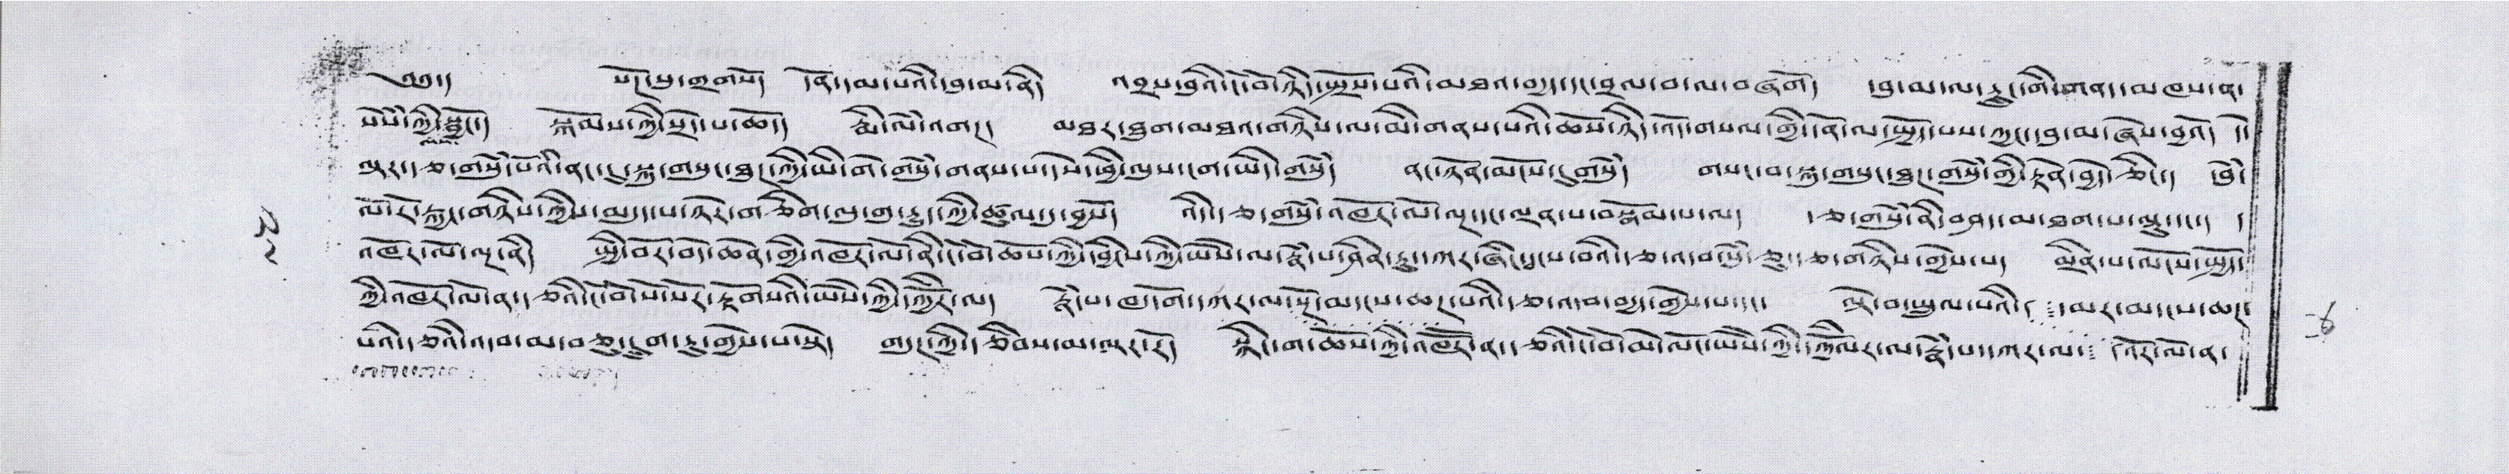སོགས་སུ་གྲག་གོ དོན་དམ་པའི་དབུ་མ་ནི་འབྲས་བུའི་ངོ་བོ་སྟོང་ཉིད་སྤྲོས་པའི་མཐའ་བརྒྱད་དང་བྲལ་བ་ལ་བཞག་གོ དབུ་མ་ལ་རླུང་གི་གནད་མཁས་ན་
སེམས་ཀྱི་ལས་སྦྱོང་། སྐོམ་གྱི་སྲེད་པ་ཆོད། རྨི་ལམ་འགགས། མཐར་ཐུག་མཐའ་གཉིས་ལ་མི་གནས་པའི་ཆོས་ཉིད་འོད་གསལ་གྱི་དོན་ལ་སྤྱོད་པས་ཀྱང་དབུ་མ་ཞེས་བྱའོ། དེ་
ལྟར་རྩ་གསུམ་པོའི་ནང་དུ་སྐུ་གསུང་ཐུགས་ཀྱི་ཡི་གེ་གསུམ་གནས་པ་དེས་ཕྱི་ལུས་ངག་ཡིད་གསུམ། ནང་ཉོན་མོངས་དུག་གསུམ། གསང་བ་སྐུ་གསུང་ཐུགས་གསུམ་གྱི་རྟེན་བྱེད་ཅིང་དབུ་
མ་རོ་རྐྱང་གཉིས་ཀྱིས་མདུད་པ་ཉེར་གཅིག་ལུ་གུ་རྒྱུད་ཀྱི་ཚུལ་དུ་བྱས་སོ། འདི་རྩ་གསུམ་འཁོར་ལོ་ལྔ་དང་ལྡན་པ་བསྒོམ་པ་ལ། རྩ་གསུམ་ནི་བཤད་པ་མ་ཐག་པ་ལྟ་བུ་དང་། 
འཁོར་ལོ་ལྔ་ནི། སྤྱི་བོ་བདེ་ཆེན་གྱི་འཁོར་ལོ་ནི་ངོ་བོ་ཆོས་ཀྱི་དབྱིངས་ཀྱི་ཡེ་ཤེས་ལ་རྣམ་པ་ཤིན་ཏུ་དཀར་ཞིང་དྭང་བའི་རྩ་འདབ་སུམ་ཅུ་རྩ་གཉིས་གྱེས་པ། མགྲིན་པ་ལོངས་སྤྱོད་
ཀྱི་འཁོར་ལོ་ན་རྩའི་ངོ་བོ་སོ་སོར་རྟོགས་པའི་ཡེ་ཤེས་ཀྱི་དཀྱིལ་འཁོར་ལ། རྣམ་པ་ཁ་དོག་དཀར་ལ་སྔོ་མདངས་ཆགས་པའི་རྩ་འདབ་བརྒྱད་གྱེས་པ་དང་། ལྟེ་བ་སྤྲུལ་པའི་འཁོར་ལོ་ན་དམར་མདངས་ཆགས་
པའི་རྩ་ཡི་འདབ་མ་བཅུ་དྲུག་ཏུ་གྱེས་པ་སྟེ། གདུགས་ཀྱི་རྩིབ་མ་ལྟར་རོ། སྙིང་ག་ཆོས་ཀྱི་འཁོར་ལོ་ན་རྩ་ཡི་ངོ་བོ་མེ་ལོང་ཡེ་ཤེས་ཀྱི་དཀྱིལ་འཁོར་ལ་རྣམ་པ་དཀར་ལ་